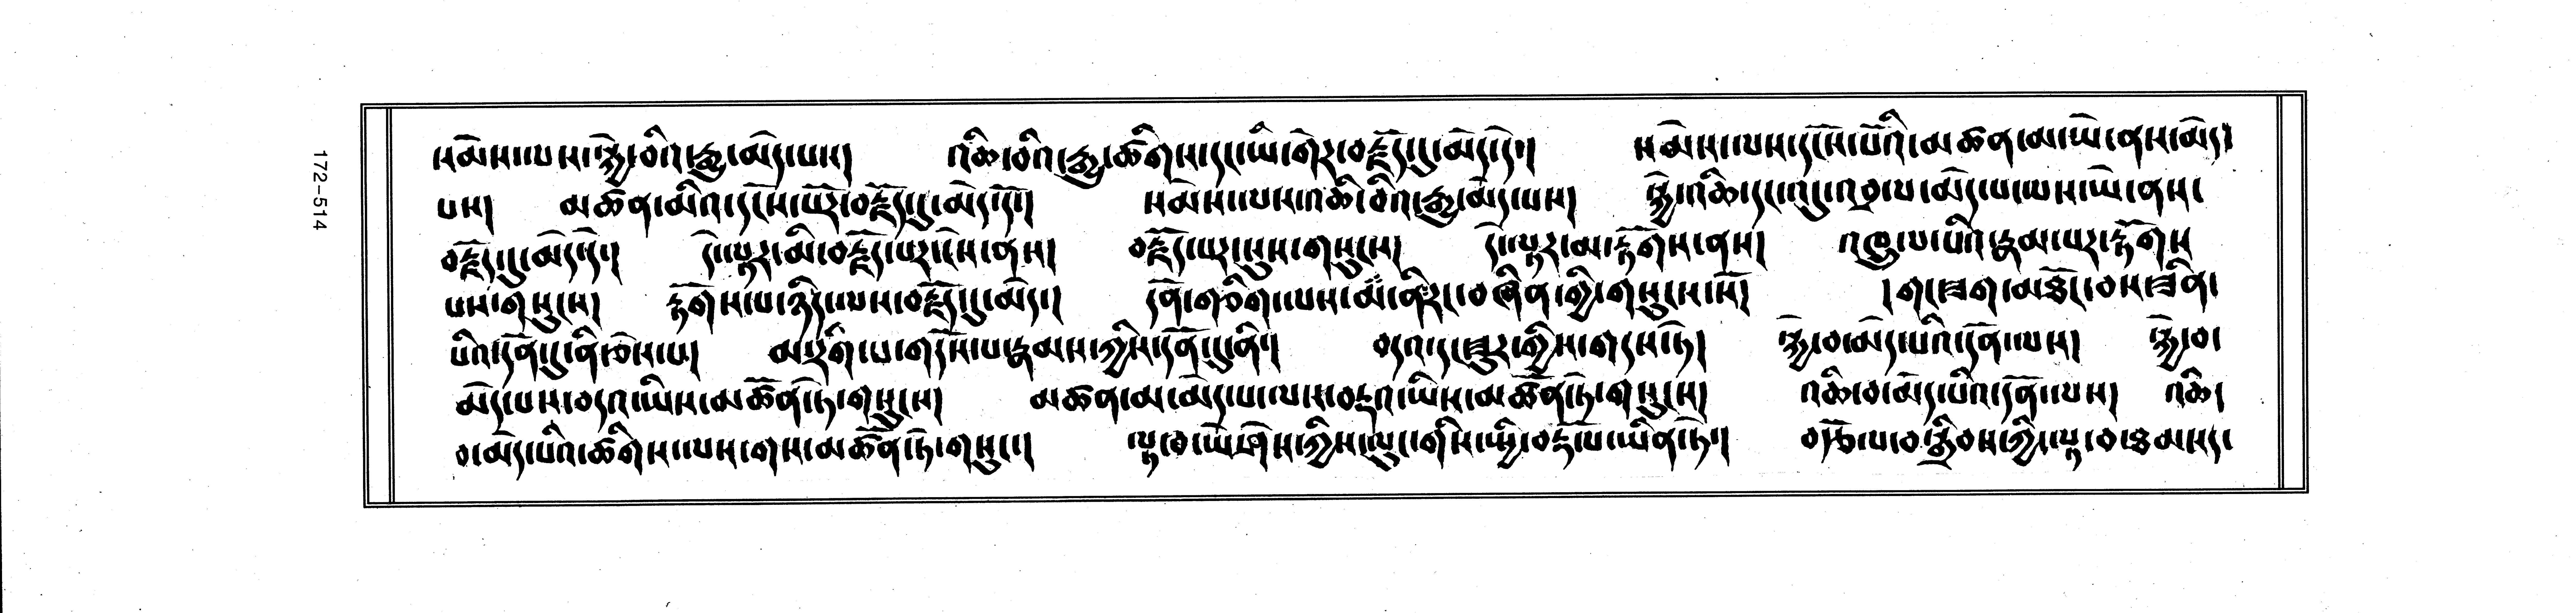སེམས་ལས་སྐྱེ་བའི་རྒྱུ་མེད་པས། འཆི་བའི་རྒྱུ་ཚིག་དང་ཡི་གེར་བརྗོད་དུ་མེད་དེ། སེམས་ལས་དངོས་པོའི་མཚན་མ་ཡེ་ནས་མེད་
པས། མཚན་མའི་དངོས་པོར་བརྗོད་དུ་མེད་དོ། སེམས་ལས་འཆི་བའི་རྒྱུ་མེད་པས། སྐྱེ་འཆི་དང་འདུ་འབྲལ་མེད་པ་ལས་ཡེ་ནས་
བརྗོད་དུ་མེད་དེ། དེ་ལྟར་མི་བརྗོད་པར་ངེས་ནས། བརྗོད་པར་སུས་གསུངས། དེ་ལྟར་མ་རྟོགས་ནས། འཁྲུལ་པའི་རྣམ་པར་རྟོགས་
པས་གསུངས། རྟོགས་པ་ཉིད་ལས་བརྗོད་དུ་མེད། དོན་གཅིག་ལས་རང་བཞིན་གྱི་གསུངས་སོ། གང་ཟག་མཐོང་བས་ཟིན་
པའི་དོན་དུ་ནི་ཅེས་པ། མ་རིག་པ་གདོས་པ་རྣམས་ཀྱིས་དོན་དུ་ནི། བརྡའ་དང་ཟུར་གྱིས་གདས་ཏེ། སྐྱེ་བ་མེད་པའི་དོན་ལས། སྐྱེ་བ་
མེད་པས་བརྡའ་ཡིས་མཚོན་ཏེ་གསུངས། མཚན་མ་མེད་པ་ལས་བརྡའ་ཡིས་མཚོན་ཏེ་གསུངས། འཆི་བ་མེད་པའི་དོན་ལས། འཆི་
བ་མེད་པའི་ཚིག་ལས་གིས་མཚོན་ཏེ་གསུང་། ལྟ་བ་ཡེ་ཤེས་ཀྱིས་ལུང་གིས་སྤྱི་བརྡོལ་ཡིན་ཏེ། བརྩོལ་བསྒྲིབས་ཀྱི་ལྟ་བ་ཐམས་ཅད་